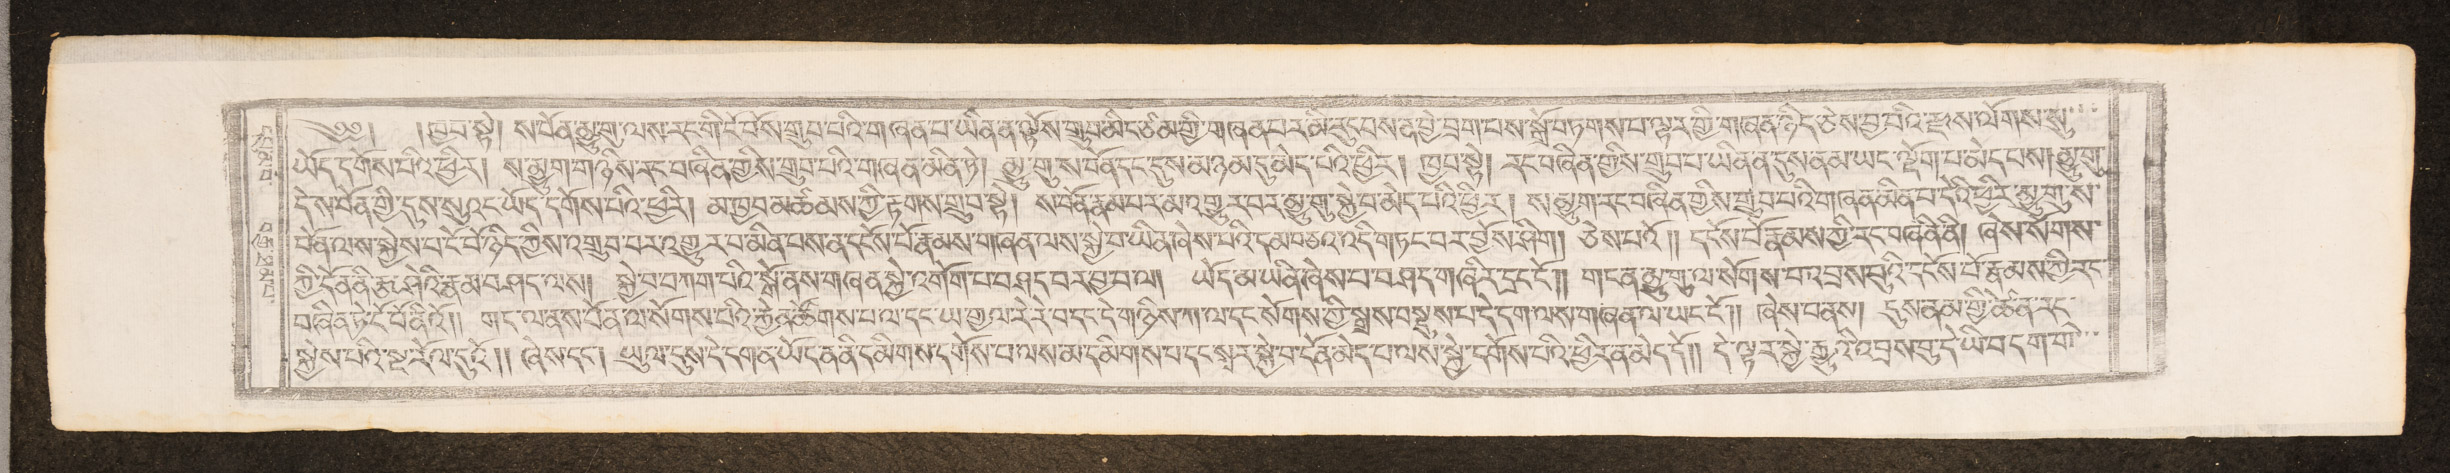༄༅། །ཁྱབ་སྟེ། ས་བོན་མྱུ་གུ་ལས་རང་གི་ངོ་བོས་གྲུབ་པའི་གཞན་པ་ཡིན་ན་ལྟོས་གྲུབ་མིང་རྩམ་གྱི་གཞན་པར་མི་རུང་བས་ན་བྱེ་བྲག་པས་སྒྲོ་བཏགས་པ་ལྟར་གྱི་གཞན་ཉིད་ཅེས་བྱ་པའི་རྫས་ལོགས་སུ་
ཡོད་དགོས་པའི་ཕྱིར། ས་མྱུག་གཉིས་རང་བཞིན་གྱིས་གྲུབ་པའི་གཞན་མིན་ཏེ། མྱུ་གུ་ས་བོན་ན་དང་དུས་མཉམ་དུ་མེད་པའི་ཕྱིར། ཁྱབ་སྟེ། རང་བཞིན་གྱིས་གྲུབ་པ་ཡིན་ན་དུས་ནམ་ཡང་ལྡོག་པ་མེད་པས། མྱུ་གུ་
དེ་ས་བོན་གྱི་དུས་སུ་འང་ཡོད་དགོས་པའི་ཕྱིར། མ་ཁྱབ་མཚམས་ཀྱི་རྟགས་གྲུབ་སྟེ། ས་བོན་རྣམ་པར་མ་འགྱུར་བར་མྱུ་གུ་སྐྱེ་བ་མེད་པའི་ཕྱིར། ས་མྱུག་རང་བཞིན་གྱིས་གྲུབ་པའི་གཞན་མིན་པ་དེའི་ཕྱིར་མྱུ་གུ་ས་
བོན་ལས་སྐྱེས་པ་ངོ་བོ་ཉིད་ཀྱིས་འགྲུབ་པར་འགྱུར་བ་མིན་པས་ན་དངོས་པོ་རྣམས་གཞན་ལས་སྐྱེ་བ་ཡིན་ཞེས་པའི་དམ་བཅའ་འདི་གཏང་བར་བྱོས་ཤིག། ཅེས་པའོ།། དངོས་པོ་རྣམས་ཀྱི་རང་བཞིན་ནི། ཞེས་སོགས་
ཀྱི་དོན་ནི་རྩ་ཤེའི་རྣམ་བཤད་ལས། སྐྱེ་བ་བཀག་པའི་སྒོ་ནས་གཞན་སྐྱེ་འགོག་པ་བཤད་པར་བྱ་བ་ལ། ཡོད་མ་ཡིན་ཞེས་པ་བཤད་གཞིར་དྲང་ངོ།། གང་ན་མྱུ་གུ་ལ་སོགས་པ་འབྲས་བུའི་དངོས་པོ་རྣམས་ཀྱི་རང་
བཞིན་ཏེ་ངོ་བོ་ནིའོ། །གང་ལ་ནས་བོན་ལ་སོགས་པའི་རྐྱེན་ཚོགས་པ་ལ་དང་ཡ་གྱལ་རེ་རེ་བ་དང་དེ་གཉིས་ཀ་ལ་དང་སོགས་ཀྱི་སྒྲས་བསྡུས་པ་དེ་དག་ལས་གཞན་ལ་ཡང་ངོ།། ཞེས་པ་ནས། དུས་ནམ་གྱི་ཚེ་ན་རང་
སྐྱེས་པའི་སྔ་རོལ་དུའོ།། ཞེས་དང་། ཡུལ་དུས་དེ་དག་ན་ཡོད་ན་ནི་དམིགས་དགོས་པ་ལས་མ་དམིགས་པ་དང་སླར་སྐྱེ་བ་དོན་མེད་པ་ལས་སྐྱེ་དགོས་པའི་ཕྱིར་ན་མེད་དོ།། དེ་ལྟར་སྐྱེ་རྒྱུའི་འབྲས་བུ་དེ་ཡི་བདག་པའི་